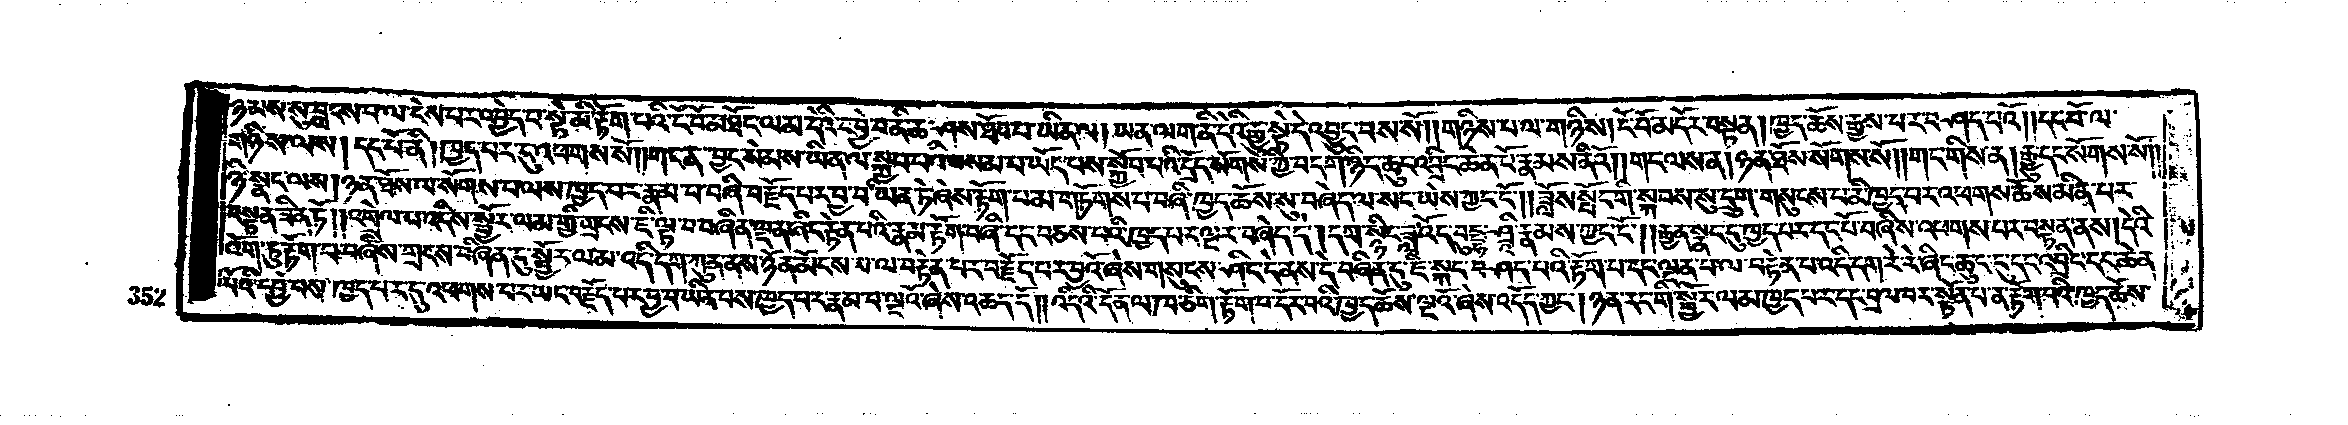ཉམས་སུ་བླངས་པ་ལ་ངེས་པར་འབྱེད་པ་སྟེ་མི་རྟོག་པའི་ངོ་བོ་མཐོང་ལམ་དེའི་དབྱེ་བ་ནི་ཆ་ཤས་ཐོབ་པ་ཡིན་ལ། ཡན་ལག་ནི་དེའི་རྒྱུ་སྟེ་དེ་འབྱུང་བས་སོ། །གཉིས་པ་ལ་གཉིས། ངོ་བོ་མདོར་བསྟན། ཁྱད་ཆོས་རྒྱས་པར་བཤད་པའོ། །དང་པོ་ལ་
གཉིས་ལས། དང་པོ་ནི། ཁྱད་པར་དུ་འཕགས་སོ། །གང་ན་བྱང་སེམས་ཡིན་ལ་སྐྱབ་པའི་བསམ་པ་ཡོད་པས་སྐྱོབ་པའི་དྲོད་སོགས་ཀྱི་བདག་ཉིད་ཆུང་འབྲིང་ཆེན་པོ་རྣམས་ནིའོ། །གང་ལས་ན། ཉན་ཐོས་སོགས་སོ། །གང་གིས་ན། རྒྱུ་དང་སོགས་སོ།།
ཉི་སྣང་ལས། ཉན་ཐོས་ལ་སོགས་པ་ལས་ཁྱད་པར་རྣམ་པ་བཞི་བརྗོད་པར་བྱ་བ་ཡིན་ཏེ་ཞེས་རྟོག་པ་མ་གཏོགས་པ་བཞི་ཁྱད་ཆོས་སུ་བཞེད་ལ་སང་ཡེས་ཀྱང་ངོ། །ཟློས་སྤོང་གི་སྐབས་སུ་དྲུག་གསུངས་པ་ནི་ཁྱད་པར་འཕགས་ཆོས་མིན་པར་
བསྟན་ཟིན་ཏོ། །འགྲེལ་པ་འདིས་སྦྱོར་ལམ་གྱི་གྲངས་ཇི་ལྟ་བ་བཞིན་ལྡན་ཞིང་རྟེན་པའི་རྣམ་རྟོག་བཞི་དང་བཅས་པའི་ཁྱད་པར་ལྔར་བཞེད་དེ། དག་སྙིང་ཟླ་འོད་བུདྡྷ་ཤྲའི་རྣམས་ཀྱང་ངོ། །རྒྱན་སྣང་དུ་ཁྱད་པར་དང་པོ་བཞིས་འཕགས་པར་བསྟན་ནས། དེའི་
འོག་ཏུ་རྟོག་པ་བཞིས་གྲངས་བཞིན་དུ་སྦྱོར་ལམ་འདི་དག་ཀུན་ནས་ཉོན་མོངས་པ་ལ་བརྟེན་པར་བརྗོད་པར་བྱའོ་ཞེས་གསུངས་ཤིང་དེ་ནས་དེ་བཞིན་དུ་ཇི་སྐད་བཤད་པའི་རྟོག་པ་དང་ལྡན་པ་ལ་བརྟེན་པ་འདི་དག་རེ་རེ་ཞིང་ཆུང་ངུ་དང་འབྲིང་དང་ཆེན་
པོའི་དབྱེ་བས་ཁྱད་པར་དུ་འཕགས་པར་ཡང་བརྗོད་པར་བྱ་བ་ཡིན་པས་ཁྱད་པར་རྣམ་པ་ལྔའོ་ཞེས་འཆད་དོ། །འདིའི་དོན་ལ་ཁ་ཅིག་རྟོགས་པ་དོར་བའི་ཁྱད་ཆོས་ལྔའོ་ཞེས་འདོད་ཀྱང་། ཉན་རང་གི་སྦྱོར་ལམ་ཁྱད་པར་དང་བྲལ་བར་སྟོན་པ་ན་རྟོག་པའི་ཁྱད་ཆོས་